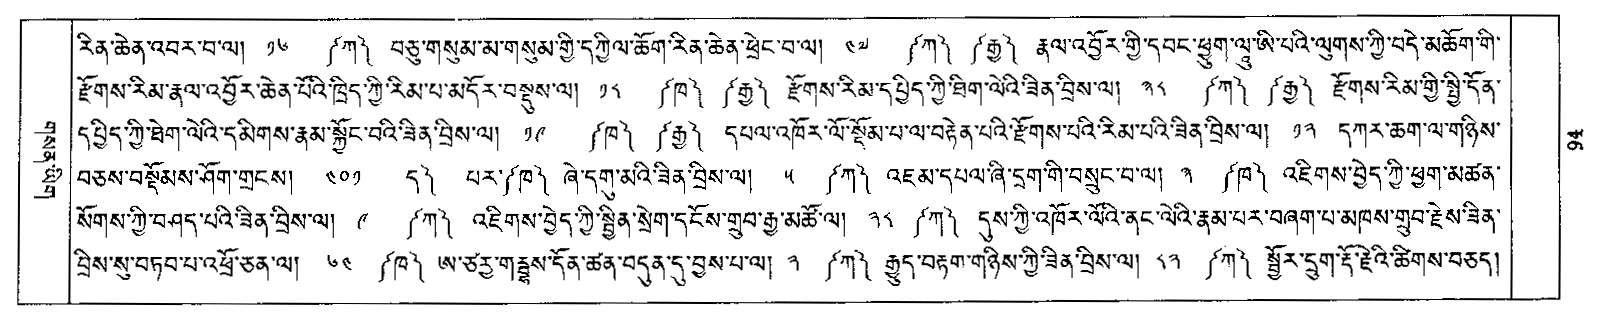རིན་ཆེན་འབར་བ་ལ། ༡༦་?ཀ༼་བཅུ་གསུམ་མ་གསུམ་གྱི་དཀྱིལ་ཆོག་རིན་ཆེན་ཕྲེང་བ་ལ། ༤༧་?ཀ༽ ?རྒྱ་རྣལ་འབྱོར་གྱི་དབང་ཕྱུག་ལཱུ་ཨི་པའི་ལུགས་ཀྱི་བདེ་མཆོག་གི་
རྫོགས་རིམ་རྣལ་འབྱོར་ཆེན་པོའི་ཁྲིད་ཀྱི་རིམ་པ་མདོར་བསྡུས་ལ། ༡༨་?ཁ༼་?རྒྱ༽ རྫོགས་རིམ་དཔྱིད་ཀྱི་ཐིག་ལེའི་ཟིན་བྲིས་ལ། ༣༨་?ཀ༼་?རྒྱ༽ རྫོགས་རིམ་གྱི་སྤྱི་དོན་
དཔྱིད་ཀྱི་ཐེག་ལེའི་དམིགས་རྣམ་སྐྱོང་བའི་ཟིན་བྲིས་ལ། ༡༩་?ཁ༼་?རྒྱ༽ དཔལ་འཁོར་ལོ་སྡོམ་པ་ལ་བརྟེན་པའི་རྫོགས་པའི་རིམ་པའི་ཟིན་བྲིས་ལ། ༡༢་དཀར་ཆག་ལ་གཉིས་
བཅས་བསྡོམས་ཤོག་གྲངས། ༤༠༡་ད༼་པར་?ཁ༽ ཞེ་དགུ་མའི་ཟིན་བྲིས་ལ། ༥་?ཀ༼་འཇམ་དཔལ་ཞི་དྲག་གི་བསྲུང་བ་ལ། ༣་?ཁ༽ འཇིགས་བྱེད་ཀྱི་ཕྱག་མཚན་
སོགས་ཀྱི་བཤད་པའི་ཟིན་བྲིས་ལ། ༩་?ཀ༼་འཇིགས་བྱེད་ཀྱི་སྦྱིན་སྲེག་དངོས་གྲུབ་རྒྱ་མཚོ་ལ། ༢༨་?ཀ༽ དུས་ཀྱི་འཁོར་ལོའི་ནང་ལེའི་རྣམ་པར་བཞག་པ་མཁས་གྲུབ་རྗེས་ཟིན་
བྲིས་སུ་བཏབ་པ་འཕྲོ་ཅན་ལ། ༦༤་?ཁ༼་ཨ་ཙརྱ་གརྦྷས་དོན་ཚན་བདུན་དུ་བྱས་པ་ལ། ༢་?ཀ༽ རྒྱུད་བརྟག་གཉིས་ཀྱི་ཟིན་བྲིས་ལ། ༨༢་?ཀ་སྦྱོར་དྲུག་རྡོ་རྗེའི་ཚིགས་བཅད།